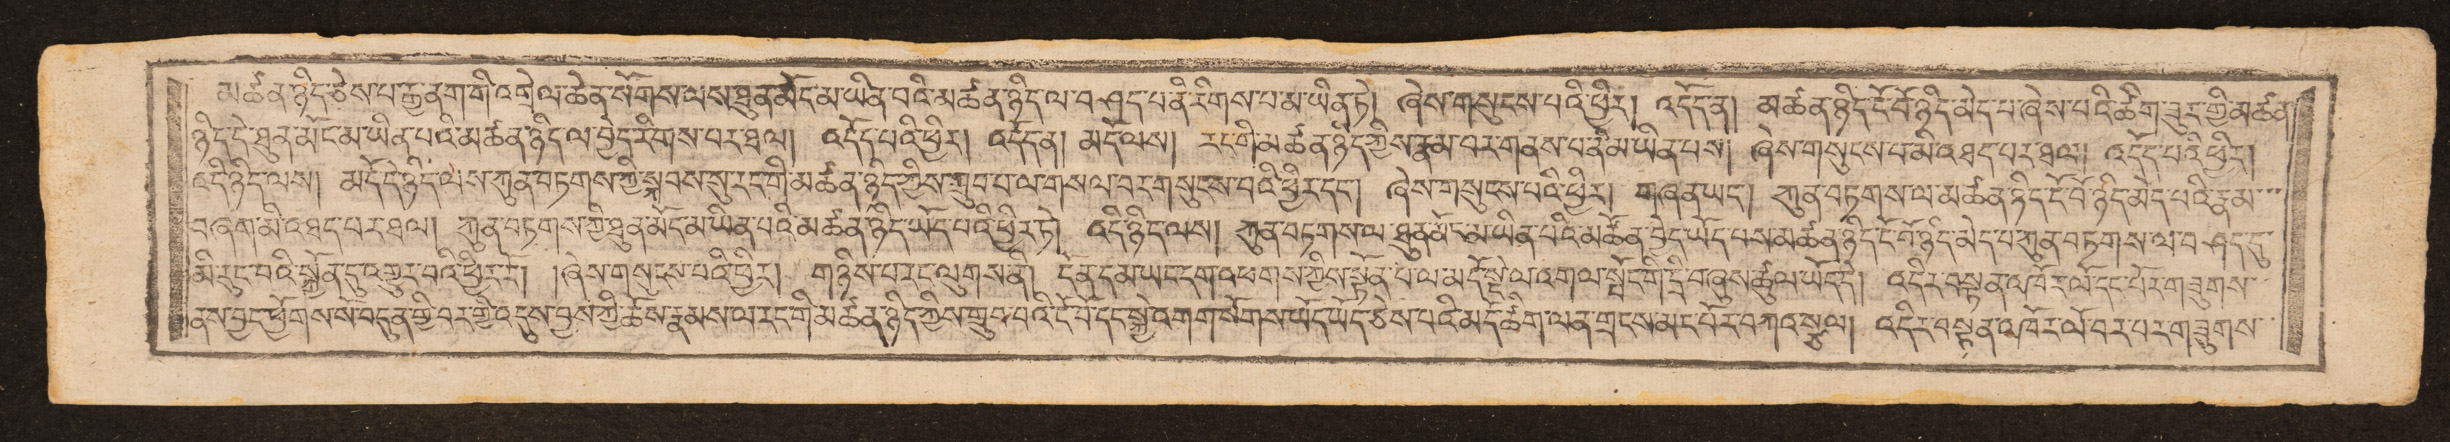མཚན་ཉིད་ཅེས་པ་རྒྱ་ནག་གི་འགྲེལ་ཆེན་སོགས་ལས་ཐུན་མོང་མ་ཡིན་པའི་མཚན་ཉིད་ལ་བཤད་པ་ནི་རིགས་པ་མ་ཡིན་ཏེ། ཞེས་གསུངས་པའི་ཕྱིར། འདོད་ན། མཚན་ཉིད་ངོ་བོ་ཉིད་མེད་པ་ཞེས་པའི་ཚིག་ཟུར་གྱི་མཚན་
ཉིད་དེ་ཐུན་མོང་མ་ཡིན་པའི་མཚན་ཉིད་ལ་བྱེད་རིགས་པར་ཐལ། འདོད་པའི་ཕྱིར། འདོད་ན། མདོ་ལས། རང་གི་མཚན་ཉིད་ཀྱིས་རྣམ་པར་གནས་པ་ནི་མ་ཡིན་པས། ཞེས་གསུངས་པ་མི་འཐད་པར་ཐལ། འདོད་པའི་ཕྱིར།
འདི་ཉིད་ལས། མདོ་དེ་ཉིད་ལས་ཀུན་བཏགས་ཀྱི་སྐབས་སུ་རང་གི་མཚན་ཉིད་ཀྱིས་གྲུབ་པ་ལ་གསལ་བར་གསུངས་པའི་ཕྱིར་དང་། ཞེས་གསུངས་པའི་ཕྱིར། གཞན་ཡང་། ཀུན་བཏགས་ལ་མཚན་ཉིད་ངོ་བོ་ཉིད་མེད་པའི་རྣམ་
བཞག་མི་འཐད་པར་ཐལ། ཀུན་བཏགས་ཀྱི་ཐུན་མོང་མ་ཡིན་པའི་མཚན་ཉིད་ཡོད་པའི་ཕྱིར་ཏེ། འདི་ཉིད་ལས། ཀུན་བཏགས་ལ་ཐུན་མོང་མ་ཡིན་པའི་མཚོན་བྱེད་ཡོད་པས་མཚན་ཉིད་ངོ་བོ་ཉིད་མེད་པ་ཀུན་བཏགས་ལ་བཤད་དུ་
མི་རུང་བའི་སྐྱོན་དུ་འགྱུར་པའི་ཕྱིར་རོ། །ཞེས་གསུངས་པའི་ཕྱིར། གཉིས་པ་རང་ལུགས་ནི། དོན་དམ་ཡང་དག་འཕགས་ཀྱིས་སྟོན་པ་ལ་མདོ་སྡེ་ལ་འགལ་སྤོང་གི་དྲི་བ་ཞུས་ཚུལ་ཡོད་དེ། འདིར་བསྟན་འཁོར་ལོ་དང་པོར་གཟུགས་
ནས་བྱང་ཕྱོགས་སོ་བདུན་གྱི་བར་གྱི་འདུས་བྱས་ཀྱི་ཆོས་རྣམས་ལ་རང་གི་མཚན་ཉིད་ཀྱིས་གྲུབ་པའི་ངོ་བོ་དང་སྐྱེ་འགག་སོགས་ཡོད་ཡོང་ཅེས་པའི་མདོ་ཚིག་ལན་གྲངས་མང་པོར་བཀའ་སྩལ། འདིར་བསྟན་འཁོར་ལོ་བར་བར་གཟུགས་